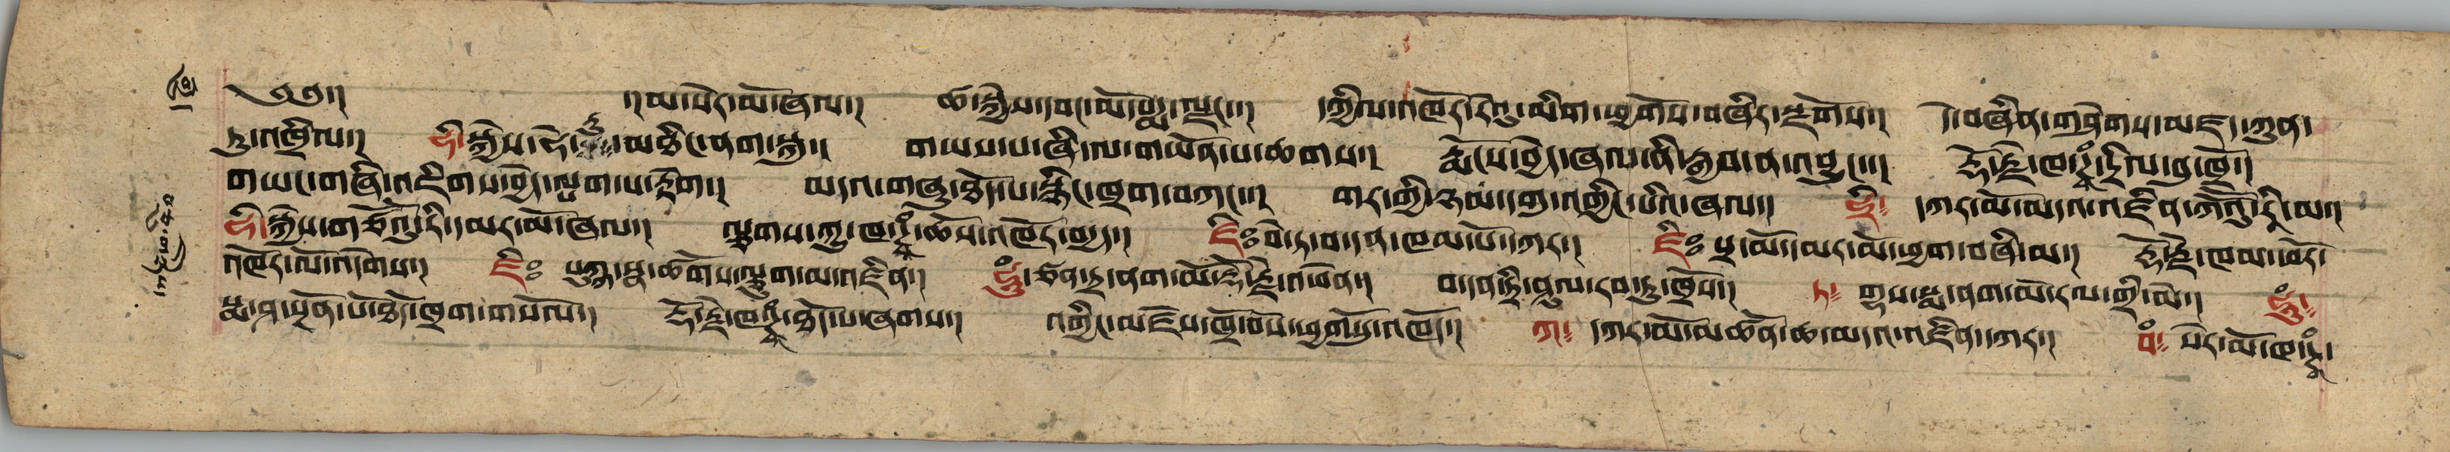༄༅་། ་།མ་སེར་མོ་ཞལ་། ཚ་སྐྱེས་དབང་མོ་པདྨ་ལྗང་་། དཀྱིལ་འཁཽར་རེའུ་མིག་ཕྱོགས་བཞིར་སྫོགས་། དེ་བཞིན་གཤེགས་མཛད་ཀུན་
ཏུ་འཁྲིལ་། ཧི་སྐྱེས་ཧོ་རུ་མཐིང་ནག་སྐུ་། གཡས་པ་ཞི་ལ་གཡོན་པ་ཆགས་། རྨོངས་བྱེད་ཞལ་ནི་རྒྱབ་ན་འབྱུང་་། རྡོ་རྗེ་ཁ་ཌྭཾ་དྲིལ་བུ་ཁྲོ་།
གཡང་གཞི་འཇིགས་བྱེད་ལྤག་པ་རྟེག་། མདའ་གཞུ་ཐོད་པ་སྙིང་ཁྲག་བཀང་་། གར་གྱི་ཉམ་དགུ་འགྱིང་པའི་ཞལ་། ཧྲི༴ དཀར་མོ་མདའ་འཛིན་ཀཽའུ་རཱི་མ་།
ཧི་སྐྱེས་གཙོའུ་རི་དམར་མོ་ཞལ་། ལྕགས་ཀྱུ་ཁ་ཊྭཱཾ་ཆོས་འཁོར་བདྱད་། ཛིཿབེ་ཏ་བ་དན་ཁམ་པོ་དཀར་། ཛིཿ་པྲ་མོ་དམར་མོ་ཕྱག་བཞི་མ་། རྡོ་རྗེ་ཁམ་ཕོར་
འཁོར་ལོ་འདེགས་། ཛིཿ པུཀྐ་སྣ་ཚོགས་ལྕུག་མ་འཛིན་། ཧཱུཾ་ཙན་ཏྲ་ནག་མོ་རྡོ་རྗེ་འཕེན་། བ་དན་ཏྲི་ཤུལ་རབ་ཏུ་ཁྲོས་། ཏ༴ གྷས་སྨ་ནག་མེ་རལ་གྲི་མེ་། ཧཱུཾ༴
སྨ་ཤ་སྔོན་པོ་ཐོད་ཁྲག་གསོལ་། རྡོ་རྗེ་ཁ་ཊྭཱཾ་ཐོད་པ་ཞགས་། འགྱིང་མཛེས་ཁྲོ་བོས་ཕྱོགསུ་འཁོར་། ཀ༴ དཀར་མོ་མཚོན་ཆ་མདའ་འཛིན་དཀར་། བཾ༴ སེར་མོ་ཁ་ཊྭཱཾ་